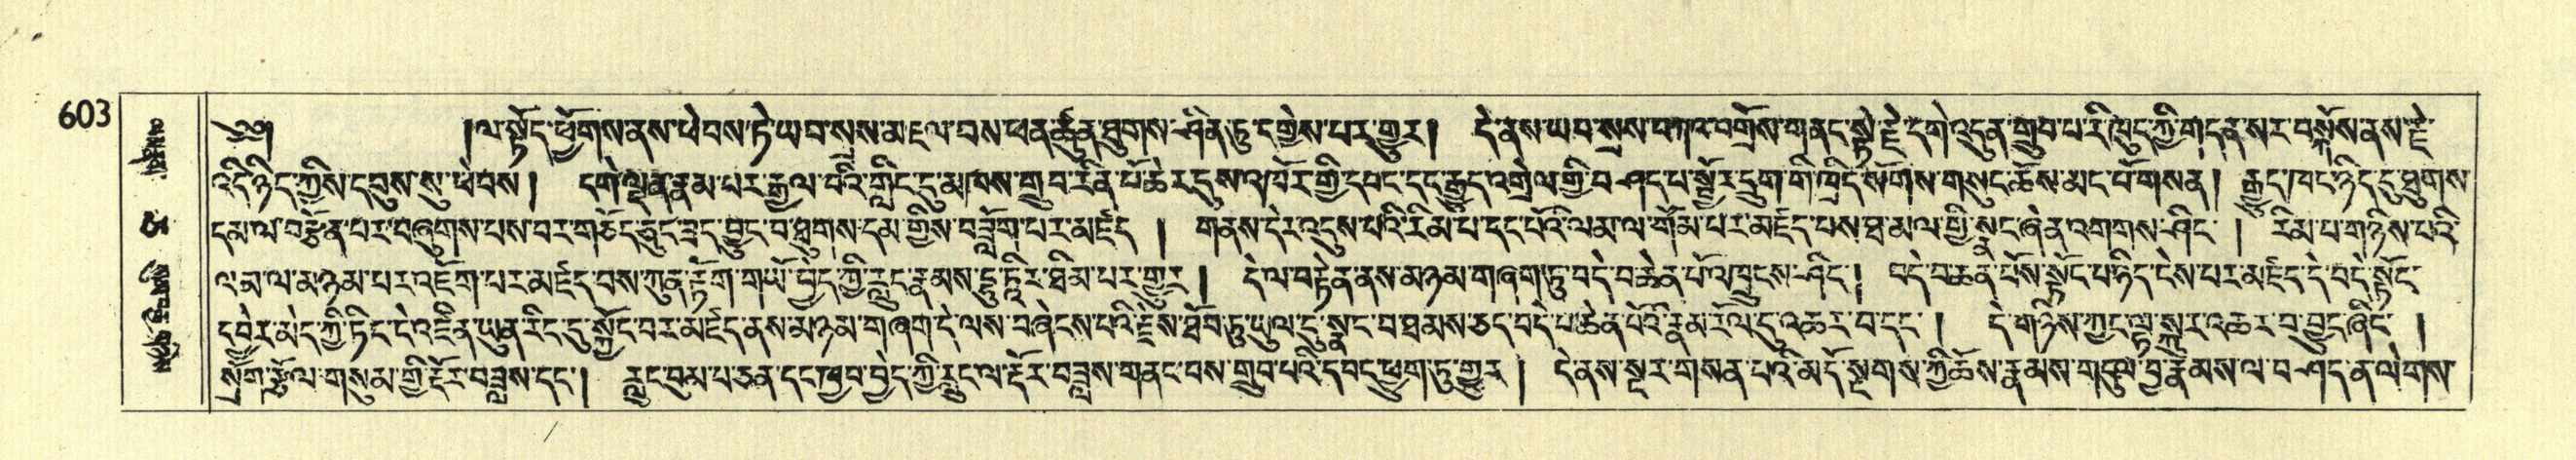༄༅། །ལ་སྟོད་ཕྱོགས་ནས་ཕེབས་ཏེ་ཡབ་སྲས་མཇལ་བས་ཕན་ཚུན་ཐུགས་ཤིན་ཏུ་དགྱེས་པར་གྱུར། དེ་ནས་ཡབ་སྲས་བཀའ་བགྲོས་གནང་སྟེ་རྗེ་དགེ་འདུན་གྲུབ་པ་རི་ཁུད་ཀྱི་གདན་སར་བསྐོས་ནས་རྗེ་
འདི་ཉིད་ཀྱིས་དབུས་སུ་ཕེབས། དགེ་ལྡན་རྣམ་པར་རྒྱལ་བའི་གླིང་དུ་མཁས་གྲུབ་རིན་པོ་ཆེར་དུས་འཁོར་གྱི་དབང་དང་རྒྱུད་འགྲེལ་གྱི་བཤད་པ་སྦྱོར་དྲུག་གི་ཁྲིད་སོགས་གསུང་ཆོས་མང་པོ་གསན། རྒྱུད་ཁང་ཉིད་དུ་ཐུགས་
དམ་ལ་བརྩོན་པར་བཞུགས་པས་བར་གཅོད་ཅུང་ཟད་བྱུང་བ་ཐུགས་དམ་གྱིས་བཟློག་པར་མཛད། གནས་དེར་འདུས་པའི་རིམ་པ་དང་པོའི་ལམ་ལ་གོམ་པར་མཛད་པ་ཐ་མལ་གྱི་སྣང་ཞེན་འགགས་ཤིང་། རིམ་པ་གཉིས་པའི་
ལམ་ལ་མཉམ་པར་འཇོག་པར་མཛད་བས་ཀུན་རྟོག་གཡོ་བྱེད་ཀྱི་རླུང་རྣམས་དྷུ་ཏཱི་རར་ཐིམ་པར་གྱུར། དེ་ལ་བརྟེན་ནས་མཉམ་གཞག་ཏུ་བདེ་བ་ཆེན་པོ་འཁྲུངས་ཤིང་། བདེ་བ་ཆན་པོས་སྟོང་པ་ཉིད་ངེས་པར་མཛད་དེ་བདེ་སྟོང་
དབྱེར་མེད་ཀྱི་ཏིང་ངེ་འཛིན་ཡུན་རིང་དུ་སྐྱོང་བར་མཛད་ནས་མཉམ་གཞག་དེ་ལས་བཞེངས་པའི་རྗེས་ཐོབ་ཏུ་ཡུལ་དུ་སྣང་བ་ཐམས་ཅད་བདེ་བ་ཆེན་པོའི་རྣམ་རོལ་དུ་འཆར་བ་དང་། དེ་གཉིས་ཀྱང་ལྷ་སྐུར་འཆར་བ་བྱུང་ཞིང་།
སྲོག་རྩོལ་གསུམ་གྱི་རྡོར་བཟླས་དང་། རླུང་བུམ་པ་ཅན་དང་ཁྱབ་བྱེད་ཀྱི་རླུང་ལ་རྡོར་བཟླས་གནང་བས་གྲུབ་པའི་དབང་ཕྱུག་ཏུ་གྱུར། དེ་ནས་སྔར་གསན་པའི་མདོ་སྔགས་ཀྱི་ཆོས་རྣམས་གདུལ་བྱ་རྣམས་ལ་བཤད་ན་ལེགས་